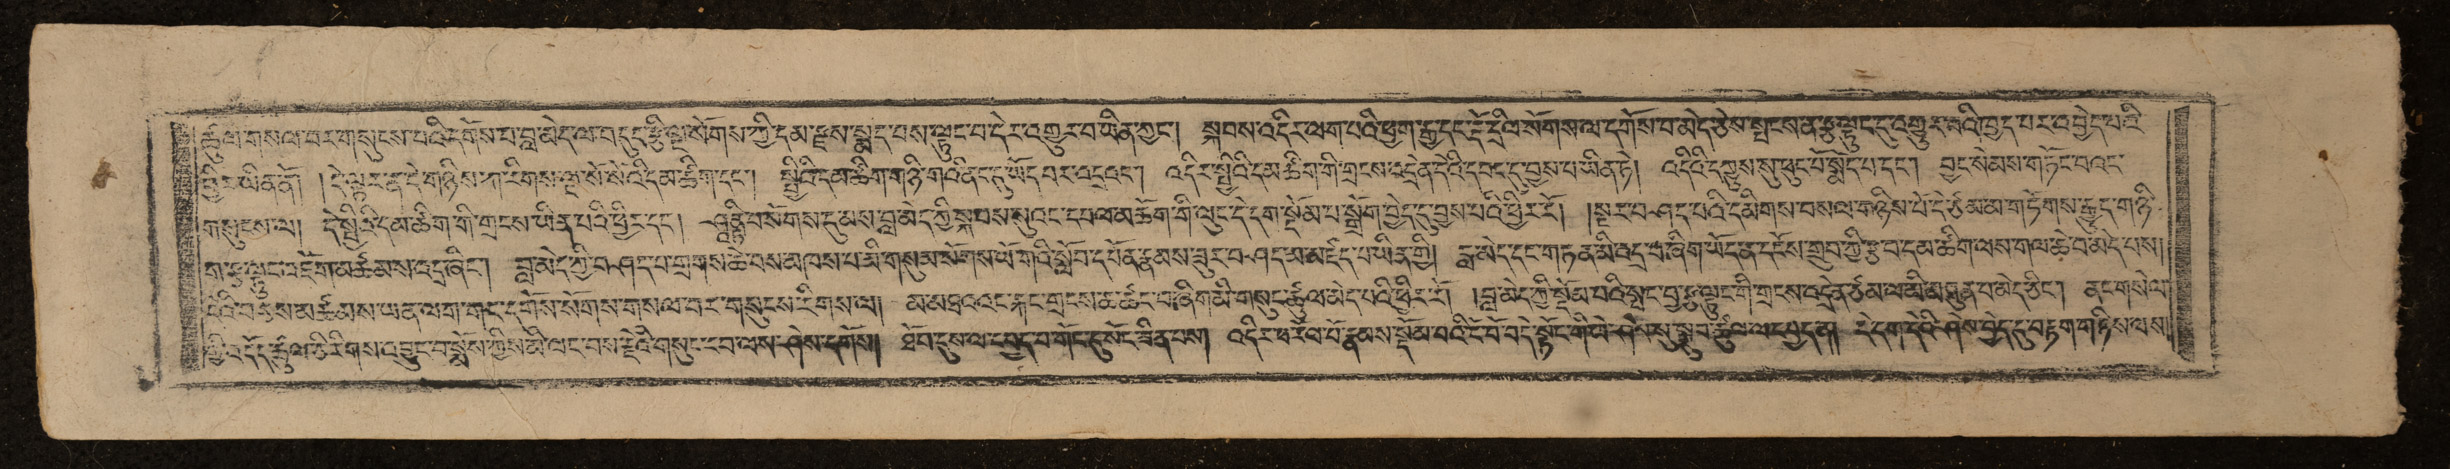ཚུལ་གསལ་བར་གསུངས་པའི་དོགས་པ་བླ་མེད་ལ་བདུད་རྩི་ལྔ་སོགས་ཀྱི་དམ་རྫས་སྨད་ཡས་ལྟུང་བ་དེར་འགྱུར་བ་ཡིན་ཀྱང་། སྐབས་འདིར་ལག་པའི་ཕྱག་རྒྱ་དང་རྡོ་དྲིལ་སོགས་ལ་དགོས་པ་མེད་ཅེས་སྤངས་ན་རྩ་ལྟུང་དུ་འགྱུར་བའི་ཁྱད་པར་འབྱེད་པའི་
ཕྱིར་ཡིན་ནོ། །དེ་ལྟར་ན་དེ་གཉིས་ཀ་རིགས་ལྔ་སོ་སོའི་དམ་ཚིག་དང་། སྤྱིའི་དམ་ཚིག་གཉི་གའི་ནང་དུ་ཡོད་པར་འདྲའང་། འདིར་སྤྱིའི་དམ་ཚིག་གི་གྲངས་འདྲེན་དེའི་དབང་དུ་བྱས་པ་ཡིན་ཏེ། འདིའི་དཀྱུས་སུ་ཕུང་བོ་སྨོད་པ་དང་། བྱང་སེམས་གཏོང་བའང་
གསུངས་ལ། དེ་སྤྱིའི་དམ་ཚིག་གི་གྲངས་ཡིན་པའི་ཕྱིར་དང་། ཤཱནྟི་པ་སོགས་དུ་མས་བླ་མེད་ཀྱི་སྐབས་སུའང་དཔལ་མཆོག་གི་ལུང་དེ་དག་སྡོམ་པ་སྒྲོག་བྱེད་དུ་བྱས་པའི་ཕྱིར་རོ། །སྔར་བཤད་པའི་དམིགས་བསལ་གཉིས་པོ་དེ་ཙམ་མ་གཏོགས་རྒྱུད་གཉི་
ག་རྩ་ལྟུང་འཇོག་མཚམས་འདྲ་ཞིང་། བླ་མེད་ཀྱི་བཤད་པ་གྲགས་ཆེ་བས་མཁས་པ་མི་གསུམ་སོགས་མ་གའི་སློབ་དཔོན་རྣམས་ཟུར་བཤད་མ་མཛད་པ་ཡིན་གྱི། བླ་མེད་དང་གཏན་མི་འདྲ་པ་ཞིག་ཡོད་ན་དངོས་གྲུབ་ཀྱི་རྩ་བ་དམ་ཚིག་ལས་གལ་ཆེ་བ་མེད་པས།
དེའི་བཅས་མཚམས་ཡན་ལག་གང་དགོས་སོགས་གསལ་བར་གསུངས་རིགས་ལ། མ་མཐའང་རྐང་གྲངས་ཆ་ཚང་བ་ཞིག་གཾ་མ་གསུང་ཚུལ་མེད་བའི་ཕྱིར་རོ། །བླ་མེད་ཀྱི་སྡོམ་པའི་སྤང་བྱ་རྩ་ལྟུང་གི་གྲངས་འདྲེན་ཙམ་ལ་མི་མཐུན་པ་མེད་ཅིང་། ནང་གསེས་
གྱི་འདོད་ཚུལ་ཅི་རིགས་འབྱུང་བ་སྨོས་ཀྱིས་མི་ལང་བར་རྗེའི་གསུང་རབ་ལས་ཤེས་དགོས། ཐོབ་དུས་ལ་དཔྱད་པ་གོང་དུ་སོང་ཟིན་པས། འདིར་ཕ་རོལ་པོ་རྣམས་སྡོམ་པའི་ངོ་བོ་བདེ་སྟོང་གི་ཡེ་ཤེས་སུ་སྒྲུབ་ཚུལ་ལ་དཔྱད་ན། དེ་དག་དེའི་ཤེས་བྱེད་དུ་བརྟག་གཉིས་ལས་